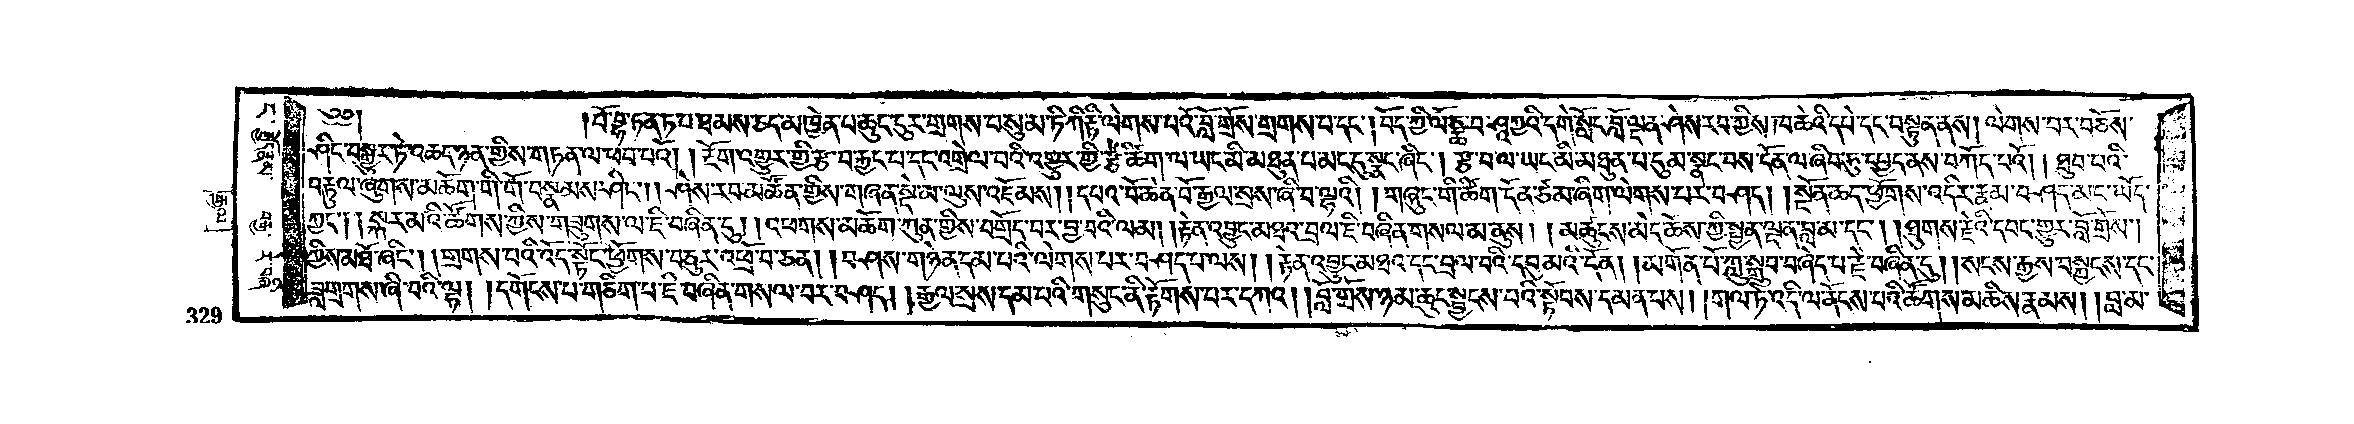༄༅། །པོ་བྷ་ཏན་ཏ་བ་ཐམས་ཅད་མཁྱེན་པ་ཆུང་ངུར་གྲགས་པ་སུ་མ་ཏི་ཀི་རྟི་ལེགས་པའོ་བློ་གྲོས་གྲགས་པ་དང་། བོད་ཀྱི་ལོ་ཙྪ་བ་ཤཱཀྱའི་དགེ་སློང་བློ་ལྡན་ཤེས་རབ་ཀྱིས་ཁ་ཆེའི་དཔེ་དང་བསྟུན་ནས། ལེགས་པར་བཅོས་
ཤིང་བསྒྱུར་ཏེ་འཆད་ཉན་གྱིས་གཏན་ལ་ཕབ་པའོ། །རྡོག་འགྱུར་གྱི་རྩ་བ་རྐྱང་བ་དང་འགྲེལ་པའི་འགྱུར་གྱི་རྩེ་ཚིག་ལ་ཡང་མི་མཐུན་པ་མང་དུ་སྣང་ཞིང་། རྩ་བ་ལ་ཡང་མི་མཐུན་པ་དུ་མ་སྣང་བས་དོན་ལ་ཞིབ་ཏུ་དཔྱད་ནས་བཀོད་པའོ། །ཐུབ་པའི་
བརྟུལ་ཞུགས་མཆོག་གི་གོ་བསྣམས་ཤིང་། ཤེས་རབ་མཚོན་གྱིས་གཞན་སྡེ་མ་ལུས་འཇོམས། །དཔའ་བོ་ཆེན་པོ་རྒྱལ་སྲས་ཞི་བ་ལྷའི། །གཞུང་གི་ཚིག་དོན་ཙམ་ཞིག་ལེགས་པར་བཤད། །སྔོན་ཆད་ཕྱོགས་འདིར་རྣམ་བཤད་མང་ཡོད་
ཀྱང༑ ༑སྐར་མའི་ཚོགས་ཀྱིས་གཟུགས་ལ་ཇི་བཞིན་དུ། །འཕགས་མཆོག་ཀུན་གྱིས་བགྲོད་པར་བྱ་བའི་ལམ། །རྟེན་འབྱུང་མཐའ་བྲལ་ཇི་བཞིན་གསལ་མ་ནུས། །མཚུངས་མེད་ཆོས་ཀྱི་སྤྱན་ལྡན་བླ་མ་དང་། །ཐུགས་རྗེའི་དབང་གྱུར་བློ་གྲོས་
ཀྱིས་མཐོ་ཞིང་། །གྲགས་པའི་འོད་སྟོང་ཕྱོགས་བཅུར་འཕྲོ་བ་ཅན། །བཤེས་གཉེན་དམ་པའི་ལེགས་པར་བཤད་པ་ལས། །རྟེན་འབྱུང་མཐའ་དང་བྲལ་བའི་དབུ་མའི་དོན། །མགོན་པོ་ཀླུ་སྒྲུབ་བཞེད་པ་རྗེ་བཞིན་དུ། །སངས་རྒྱས་བསྐྱངས་དང་
ཟླ་གྲགས་ཞི་བའི་ལྷ། །དགོངས་པ་གཅིག་པ་ཇི་བཞིན་གསལ་བར་བཤད། །རྒྱལ་སྲས་དམ་པའི་གསུང་ནི་རྟོགས་པར་དཀའ། །བློ་གྲོས་ཉམ་ཆུང་སྦྱངས་པའི་སྟོབས་དམན་པས། །གལ་ཏེ་འདི་ལ་ནོངས་པའི་ཚོགས་མཆིས་རྣམས། བླ་མ་